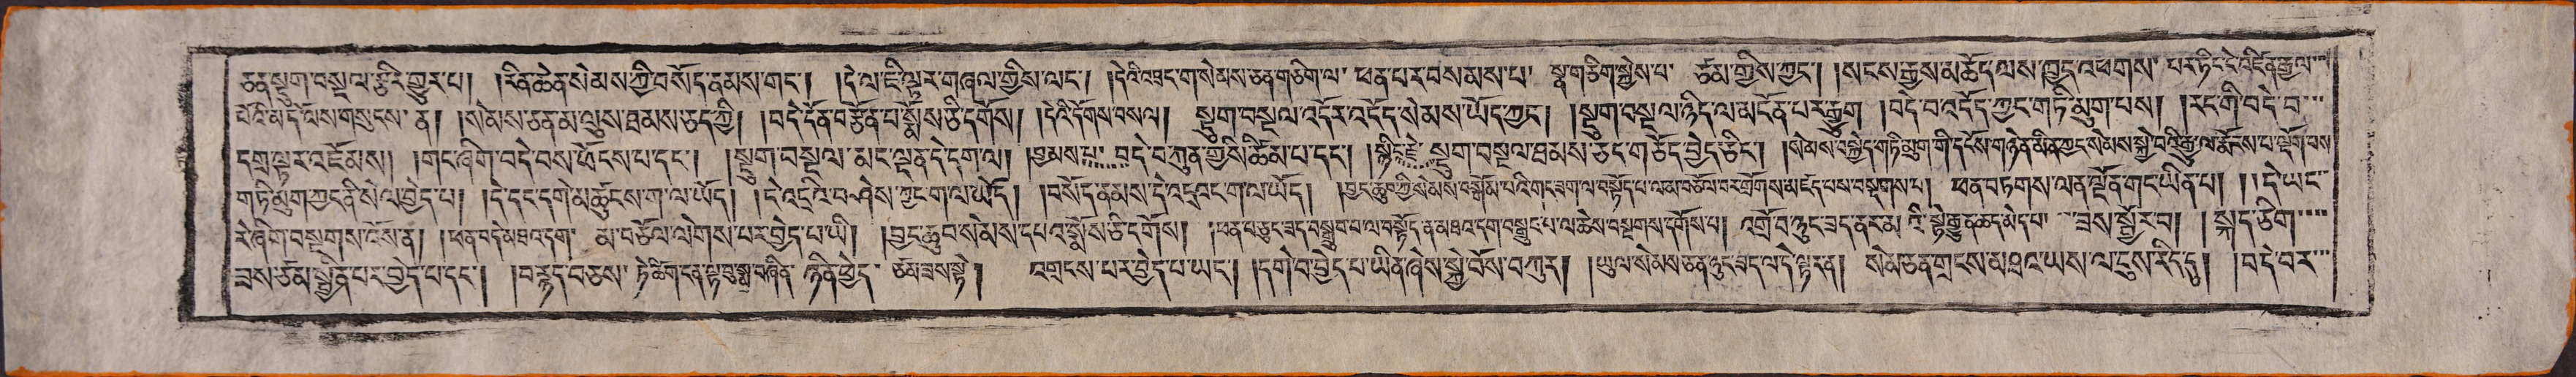ཅན་སྡུག་བསྔལ་རྩིར་གྱུར་པ། །རིན་ཆེན་སེམས་ཀྱི་བསོད་ནམས་གང་། །དེ་ལ་ཇི་ལྟར་གཞལ་གྱིས་ལང་། །དེའི་འཐད་ག་སེམས་ཅན་གཅིག་ལ་ཕན་པར་བསམས་པ་སྣ་གཅིག་སྐྱེས་པ་ཙམ་གྱིས་ཀྱང་། །སངས་རྒྱས་མཆོ་ལས་ཁྱད་འཕགས་པར་ཏིང་ངེ་འཛིན་རྒྱལ་པོའི་མདོ་
ལས་གསུངས་ན། །སེམས་ཅན་མ་ལུས་ཐམས་ཅད་ཀྱི། །བདེ་དོན་བརྩོན་པ་སྨོས་ཅི་དགོས། །དེའི་དོགས་བསལ།  སྡུག་བསྔལ་འདོར་འདོད་སེམས་ཡོད་ཀྱང་། །སྡུག་བསྔལ་ཉིད་ལ་མངོན་པར་རྒྱུག །བདེ་བ་འདོད་ཀྱང་གཏི་མུག་པས། །རང་གི་བདེ་བ་དགྲ་
ལྟར་འཇོམས། །གང་ཞིག་བདེ་བས་ཕོངས་པ་དང་། །སྡུག་བསྔལ་མང་ལྡན་དེ་དག་ལ། བྱམས་པ་བདེ་བ་ཀུན་གྱིས་ཚིམ་བ་དང་།  །སྙིང་རྗེ་སྡུག་བསྔལ་ཐམས་ཅད་གཅོད་བྱེད་ཅིང་།  །སེམས་བསྐྱེད་གཏི་མུག་གི་དངོས་གཉེན་མིན་ཀྱང་སེམས་སྐྱེ་བའི་རྒྱུ་ལ་རྨོངས་པ་ལྡོག་པས། གཏི་
མུག་ཀྱང་ནི་སེལ་བྱེད་པ། །དེ་དང་དགེ་མཚུངས་ག་ལ་ཡོད། །དེ་འདྲའི་བཤེས་ཀྱང་ག་ལ་ཡོད། །བསོད་ནམས་དེ་འདྲའང་ག་ལ་ཡོད། །བྱང་ཆུབ་ཀྱི་སེམས་བསྒོམ་པའི་གང་ཟག་ལ་བསྟོད་པ་ལམ་བཅོལ་བར་གྲོགས་མཛད་པས་བསྔགས་པ།  ཕན་བཏགས་ལན་ལྡོན་གང་ཡིན་པ། །དེ་
ཡང་རེ་ཞིག་བསྔགས་འོས་ན། །ཕན་བདེ་མཐའ་དག་མ་བཅོལ་ལེགས་པར་བྱེད་པ་ཡི། །བྱང་ཆུབ་སེམས་དཔའ་སྨོས་ཅི་དགོས། །ཕན་བཅུང་ཟད་བསྒྲུབ་བ་ལ་བསྟོད་ན་མཐའ་དག་བསྒྲུབ་པ་ལ་ཆེས་བསྔགས་དགོས་བ།  འགྲོ་བ་ཉུང་ཟད་ན་ར་མ་སྟེ་རྒྱུན་ཆད་མེད་པ་འི་ཟས་སྦྱོར་བ། །སྐད་ཅིག་
ཟས་ཙམ་སྦྱིན་པར་བྱེད་པ་དག། བརྙས་བཅས་ཏེ་ཚིག་ངན་ལྟ་བུ་སྨྲ་བཞིན་ཉིན་ཕྱེད་ཙམ་ཟས་སྟེར་བས་འགྲངས་པར་བྱེད་པ་ཡང་། །དགེ་བ་བྱེད་པ་ཡིན་ཞེས་སྐྱེ་བོས་བཀུར། །ཡུལ་སེམས་ཅན་ཉུང་ཟད་ལ་དེ་ལྟར་ན།  སེམས་ཅན་གྲངས་མཐའ་ཡས་ལ་དུས་རིང་དུ། །བདེ་བར་